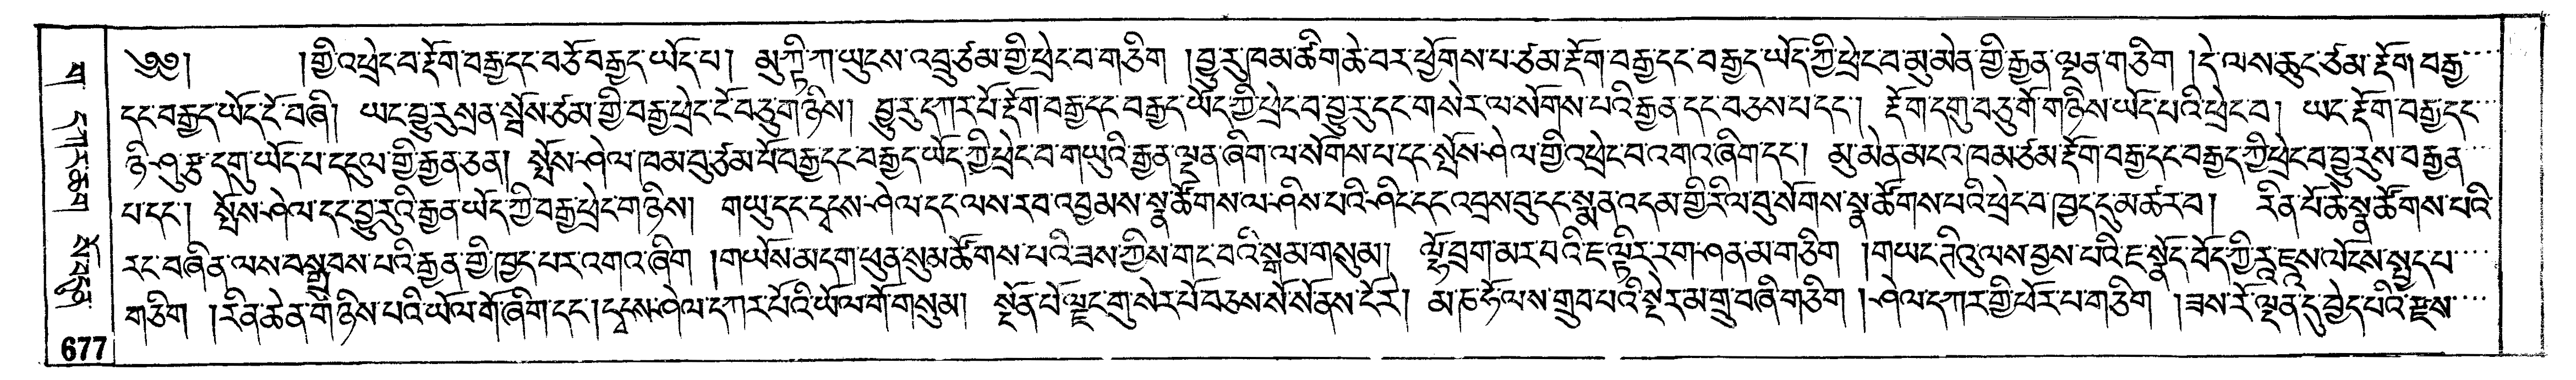༄༅། །གྱི་འཕྲེང་བརྡོག་བརྒྱ་དང་བཅོ་བརྒྱད་ཡོད་པ། མུ་ཀྟི་ཀ་ཡུངས་འབྲུ་ཙམ་གྱི་ཕྲེང་བ་གཅིག །བྱུ་རུ་ཁམ་ཚིག་ཆེ་བར་ཕྱོགས་པ་ཙམ་རྡོག་བརྒྱ་དང་བརྒྱད་ཡོད་ཀྱི་ཕྲེང་བ་མུ་མེན་གྱི་རྒྱན་ལྡན་གཅིག །དེ་ལས་ཆུང་ཙམ་རྡོག་བརྒྱ་
དང་བརྒྱད་ཡོད་ངོ་བཞི། ཡང་བྱུ་རུ་སྲན་སྦོས་ཙམ་གྱི་བརྒྱ་ཕྲེང་ངོ་བཅུ་གཉིས། བྱུ་རུ་དཀར་པོ་རྡོག་བརྒྱ་དང་བརྒྱད་ཡོད་ཀྱི་ཕྲེང་བ་བྱུ་རུ་དང་གསེར་ལ་སོགས་པའི་རྒྱན་དང་བཅས་པ་དང་། རྡོག་དགུ་བཅུ་གོ་གཉིས་ཡོད་པའི་ཕྲེང་བ། ཡང་རྡོག་བརྒྱ་དང་
ཉི་ཤུ་རྩ་དགུ་ཡོད་པ་དངུལ་གྱི་རྒྱན་ཅན། སྤོས་ཤེལ་ཁམ་བུ་ཙམ་ངོ་བརྒྱ་དང་བརྒྱད་ཡོད་ཀྱི་ཕྲེང་བ་གཡུའི་རྒྱན་ལྡན་ཞིག་ལ་སོགས་པ་དང་སྦོས་ཤེལ་གྱི་འཕྲེང་བ་འགའ་ཞིག་དང་། མུ་མེན་མངའ་ཁམ་ཙམ་རྡོག་བརྒྱ་དང་བརྒྱད་ཀྱི་ཕྲེང་བ་བྱུ་རུས་བརྒྱན་
པ་དང་། སྤོས་ཤེལ་དང་བྱུ་རུའི་རྒྱན་ཡོང་ཀྱི་བརྒྱ་ཕྲེང་གཉིས། གཡུ་དང་དྭངས་ཤེལ་དང་ལས་རབ་འབྱམས་སྣ་ཚོགས་ལ་ཤིས་པའི་ཤིང་དང་འབྲས་བུ་དང་སྨན་འདམ་གྱི་རིལ་བུ་སོགས་སྣ་ཚོགས་པའི་ཕྲེང་བ་ཁྱད་དུ་མཚར་བ། རིན་པོ་ཆེ་སྣ་ཚོགས་པའི་
རང་བཞིན་ལས་བསྒྲུབས་པའི་རྒྱན་གྱི་ཁྱད་པར་འགའ་ཞིག །གཡོས་མངག་ཕུན་སུམ་ཚོགས་པའི་ཟས་ཀྱིས་གང་བའི་སྒམ་གསུམ། ལྷོ་བྲག་མར་བའི་ཇ་ལྟིར་རག་ཤན་མ་གཅིག །གཡང་ཊིའུ་ལས་བྱས་པའི་ཇ་སྣོད་བོད་ཀྱི་རཱ་ཇཱས་ལོངས་སྤྱད་པ་
གཅིག །རིན་ཆེན་གཉིས་པའི་ཡོལ་གོ་ཞིག་དང་། དྭངས་ཤེལ་དཀར་པོའི་ཡོལ་གོ་གསུམ། སྔོན་པོ་ལྗང་གུ་སེར་པོ་བཅས་སོ་སོ་ནས་ངོ་རེ། མ་ཎ་ཧོ་ལས་གྲུབ་པའི་སྡེར་མ་གྲུ་བཞི་གཅིག །ཤེལ་དཀར་གྱི་ཕོར་པ་གཅིག །ཟས་རོ་ལྡན་དུ་བྱེད་པའི་རྫས་